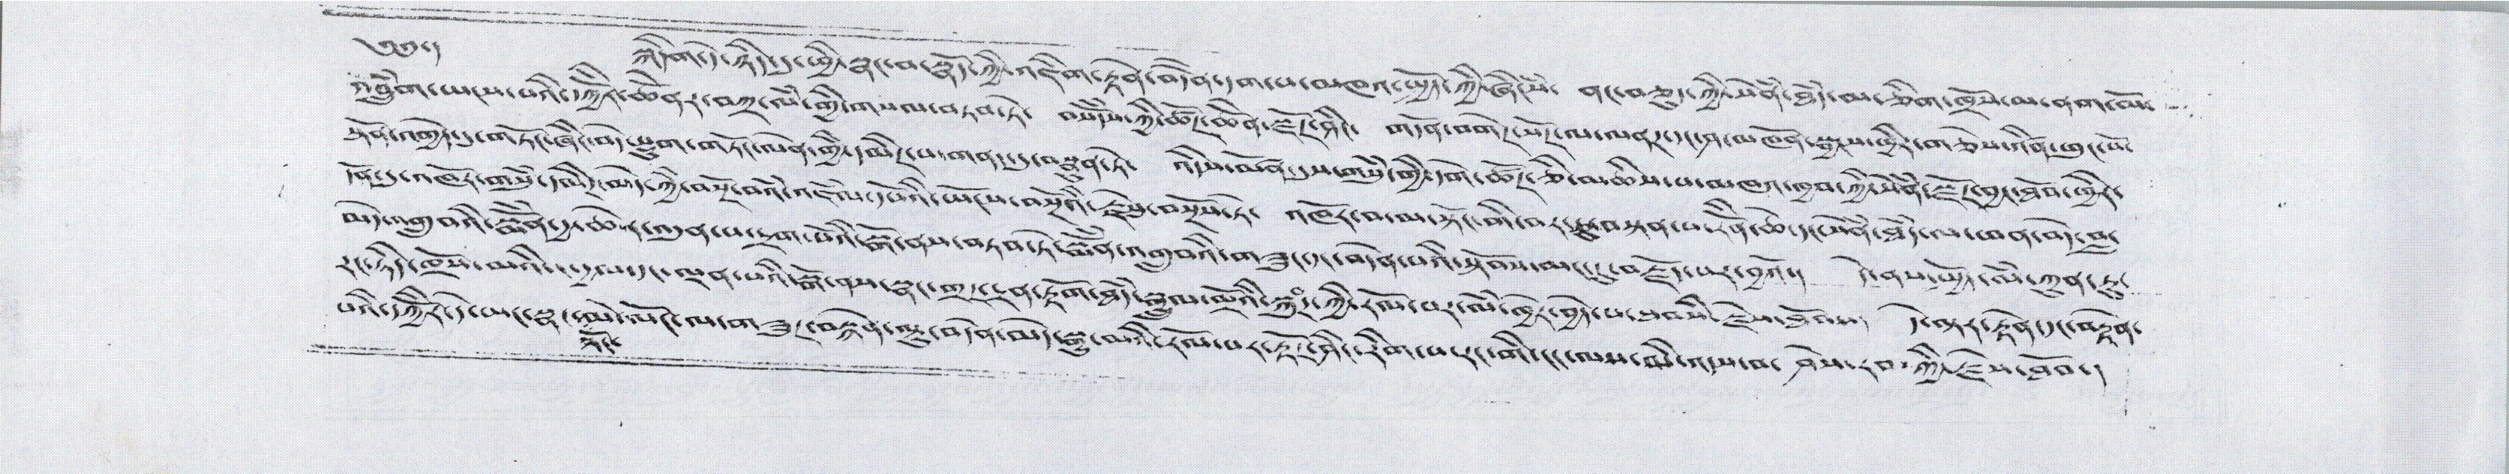སྐད་ཅིག་དེ་ཉིད་དུ་ཕྱི་སྣང་བ་སྣོད་ཀྱི་འཇིག་རྟེན་བདེ་ཆེན་དག་པ་མཁའ་སྤྱོད་ཀྱི་ཞིང་ཁམས། ནང་བཅུད་ཀྱི་སེམས་ཅན་ཐམས་ཅད་མ་ཅིོག་ཁྲོས་མ་ནག་མོ་
འབུམ་ཕྲག་ཡངས་པའི་དཀྱིལ་འཁོར་ཆེན་པོ་བཀྲ་ལམ་གྱིས་གསལ་བཏབ་སྟེ། བསོད་ནམས་ཀྱི་ཚོགས་ཆེན་རྫོགས་ཤིང་། གདོན་བགེགས་སོགས་ལ་ལན་ཆགས་དང་ཤ་འཁོན་སྦྱང་ཕྱིར་གཅེས་འཛིན་ཕུང་པོ་
གཏོང་འགྱེད་དུ་གཏོང་ཞིང་བདེ་སྡུག་གཏོང་ལེན་གྱི་དམིགས་པ་གནད་དུ་བསྣུན་ཏེ། འདིས་མཚོན་དུས་གསུམ་གྱི་དགེ་ཚོགས་ཅི་མཆིས་པ་མཁའ་ཁྱབ་ཀྱི་སེམས་ཅན་རྫོགས་བྱང་ཐོབ་ཕྱིར་
དོན་དུ་བསྔོ་བའམ་འཇམ་དཔལ་དཔའ་བོའི་ཡོངས་བསྔོའི་རྗེས་སུ་བསྔོའི་རྗེས་སུ་བསྔོས་ཏེ། འཁོར་བ་མ་སྟོང་གི་བར་དུ་བསྟན་པ་རིན་པོ་ཆེ་དང་སེམས་ཅན་ཐམས་ཅད་ལ་ཕན་བདེ་བླ་
མེད་འགྲུབ་པའི་སྨོན་ལམ་རྒྱ་ཆེན་འདུན་པ་དྲག་པོའི་སྒོ་ནས་བཏབ་སྟེ་སྨོན་ལམ་འགྲུབ་པའི་གཟུངས་དང་བདེན་པའི་སྟོབས་མང་དུ་བརྗོད་པར་བྱའོ། དེ་ནས་སྤྱོད་ལམ་ཀུན་ཏུ་
རང་ཉིད་ཁྲོས་མའི་ང་རྒྱལ་དང་ལྡན་པའི་སྒོ་ནས་སྣང་གྲགས་དྲན་རྟོག་ཐམས་ཅད་རྫུ་འཕྲུལ་མཁའ་འགྲོའི་སྐུ་གསུང་ཐུགས་ཀྱི་རོལ་པར་ལམ་ཁྱེར་བྱེད་པ་ཐབས་སམ་རྗེས་ཐོབ། དེ་ལྟར་རྟེན་དང་བརྟེན་
པའི་དཀྱིལ་འཁོར་དེ་ཡང་སྣང་སྟོང་མེ་ལོང་ལ་གཟུགས་བརྙན་ལྟ་བུ་བདེན་མེད་སྒྱུ་མའི་རོལ་པར་རྟོགས་ཤིང་རིག་པ་རང་གི་ངང་ལས་མི་འདའ་བ་ཤེས་རབ་ཀྱི་རྗེས་ཐོབ།